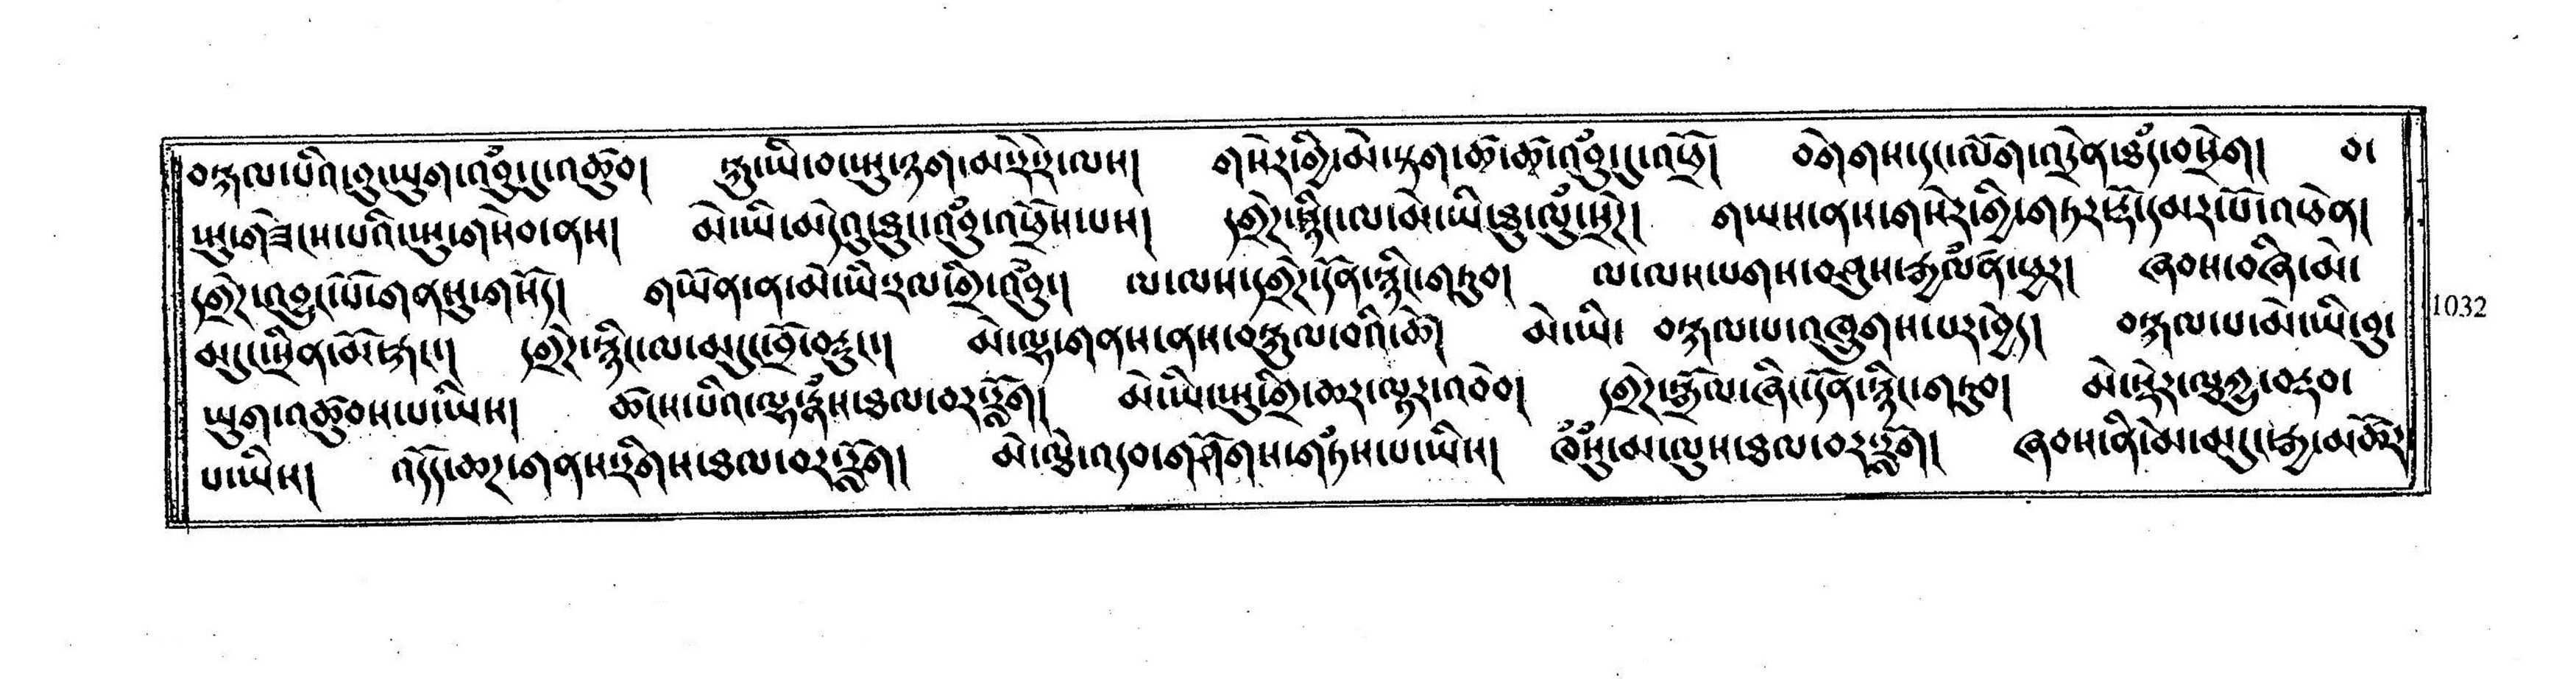བསྐལ་པའི་བུ་ཡུག་འབུམ་དུ་འཚུབ། སྐུ་ཡི་བ་སྤུ་ཉག་མ་རེ་རེ་ལས། གསེར་གྱི་མེ་སྟག་ཚྭ་ཚྭ་འབུམ་དུ་འཕྲོ། བགེགས་དང་ལོག་འདྲེན་ཐམས་ཅད་བསྲེག བ་
སྤུ་གཟེངས་པའི་སྤུ་གསེབ་ནས། མེ་ཡི་མདེའུ་ཐུང་འབུམ་འཕྲོས་པས། དགྲ་བགེགས་སྙིང་ལ་མེ་ཡི་ཐུ་ལུམ་བསྲེགས། གཡས་ནས་གསེར་གྱི་གཏར་རྡོ་དམར་པོ་འཕེན། 
དགྲ་བགེགས་འབྱུང་པོ་གནས་སུ་གསོད། གཡོན་ན་མེ་ཡི་རལ་གྲི་འབུམ། ལ་ལས་དགྲ་བགེགས་དོན་སྙིང་གཏུབ། ལ་ལས་པགས་བཤུས་རྒྱལ་མཚན་ཕྱར། ཞབས་བཞི་མེ་
མདུང་སྲིན་མོ་རྐང་། དགྲ་བགེགས་སྙིང་ལ་མདུང་བྲོ་བརྡུང་། མེ་ལྷ་གནས་ནས་བསྐུལ་བའི་ཚེ། མེ་ཡི་བསྐལ་པ་འཁྲུགས་པར་བྱེད། བསྐལ་པ་མེ་ཡི་བུ་
ཡུག་འཚུབས་པ་ཡིས། ཚངས་པའི་ལྷ་རྣམས་ཐལ་བར་རློག མེ་ཡི་སྤུ་གྲི་ཆར་ལྟར་འབེབ། དགྲ་བགེགས་སྒྲོལ་ཞིང་དོན་སྙིང་གཏུབ། མེ་སྡེར་ལྕག་ཀྱུ་བརྡབ་
པ་ཡིས། འདོད་ཆགས་གནས་རིགས་ཐལ་བར་རློག མེ་ལྕེ་འདབ་གཤོགས་གཏམས་པ་ཡིས། ཁམས་གསུམ་མ་ལུས་ཐལ་བར་རློག ཞབས་ནི་མེ་མདུང་རྒྱ་མཚོར་